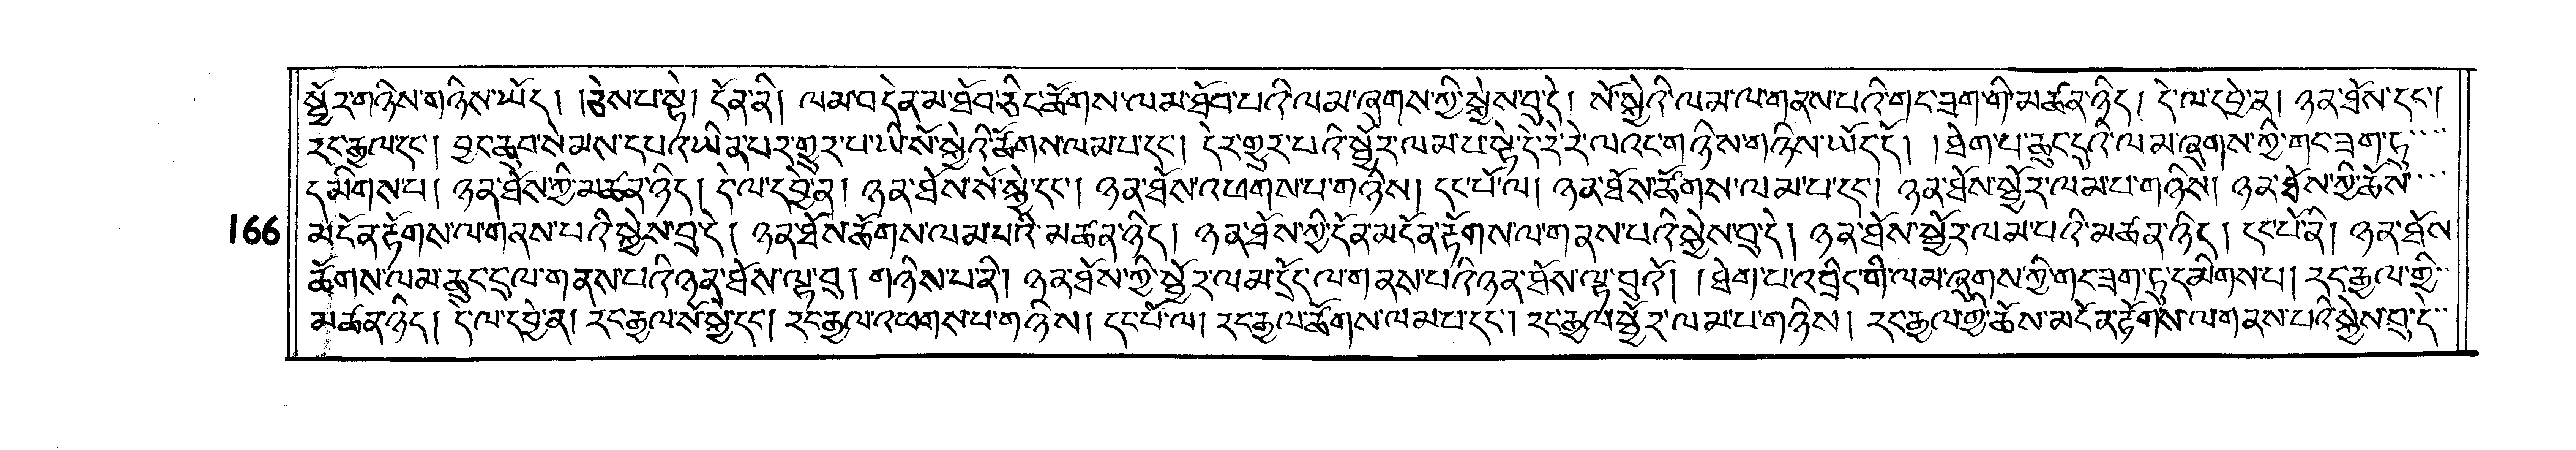སྦྱོར་གཉིས་གཉིས་ཡོད། །ཅེས་པ་སྟེ། དོན་ནི། ལམ་བདེན་མ་ཐོབ་ཅིང་ཚོགས་ལམ་ཐོབ་པའི་ལམ་ཞུགས་ཀྱི་སྐྱེས་བུ་དེ། སོ་སྐྱེའི་ལམ་ལ་གནས་པའི་གང་ཟག་གི་མཚན་ཉིད། དེ་ལ་དབྱེ་ན། ཉན་ཐོས་དང་།
རང་རྒྱལ་དང་། བྱང་ཆུབ་སེམས་དཔའ་ཡིན་པར་གྱུར་པ་ཡི་སོ་སྐྱེའི་ཚོགས་ལམ་པ་དང་། དེར་གྱུར་པའི་སྦྱོར་ལམ་པ་སྟེ་དེ་རེ་ལའང་གཉིས་གཉིས་ཡོད་དོ། །ཐེག་པ་ཆུང་ངུའི་ལམ་ཞུགས་ཀྱི་གང་ཟག་ཏུ་
དམིགས་པ། ཉན་ཐོས་ཀྱི་མཚན་ཉིད། དེ་ལ་དབྱེ་ན། ཉན་ཐོས་སོ་སྐྱེ་དང་། ཉན་ཐོས་འཕགས་པ་གཉིས། དང་པོ་ལ། ཉན་ཐོས་ཚོགས་ལམ་པ་དང་། ཉན་ཐོས་སྦྱོར་ལམ་པ་གཉིས། ཉན་ཐོས་ཀྱི་ཆོས་
མངོན་རྟོགས་ལ་གནས་པའི་སྐྱེས་བུ་དེ། ཉན་ཐོས་ཚོགས་ལམ་པའི་མཚན་ཉིད། ཉན་ཐོས་ཀྱི་དོན་མངོན་རྟོགས་ལ་གནས་པའི་སྐྱེས་བུ་དེ། ཉན་ཐོས་སྦྱོར་ལམ་པའི་མཚན་ཉིད། དང་པོ་ནི། ཉན་ཐོས་
ཆོགས་ལམ་ཆུང་དུ་ལ་གནས་པའི་ཉན་ཐོས་ལྟ་བུ། གཉིས་པ་ནི། ཉན་ཐོས་ཀྱི་སྦྱོར་ལམ་དྲོད་ལ་གནས་པའི་ཉན་ཐོས་ལྟ་བུའོ། །ཐེག་པ་འབྲིང་གི་ལམ་ཞུགས་ཀྱི་གང་ཟག་ཏུ་དམིགས་པ། རང་རྒྱལ་གྱི་
མཚན་ཉིད། དེ་ལ་དབྱེ་ན། རང་རྒྱལ་སོ་སྐྱེ་དང་། རང་རྒྱལ་འཕགས་པ་གཉིས། དང་པོ་ལ། རང་རྒྱལ་ཚོགས་ལམ་པ་དང་། རང་རྒྱལ་སྦྱོར་ལམ་པ་གཉིས། རང་རྒྱལ་གྱི་ཆོས་མངོན་རྟོགས་ལ་གནས་པའི་སྐྱེས་བུ་དེ་